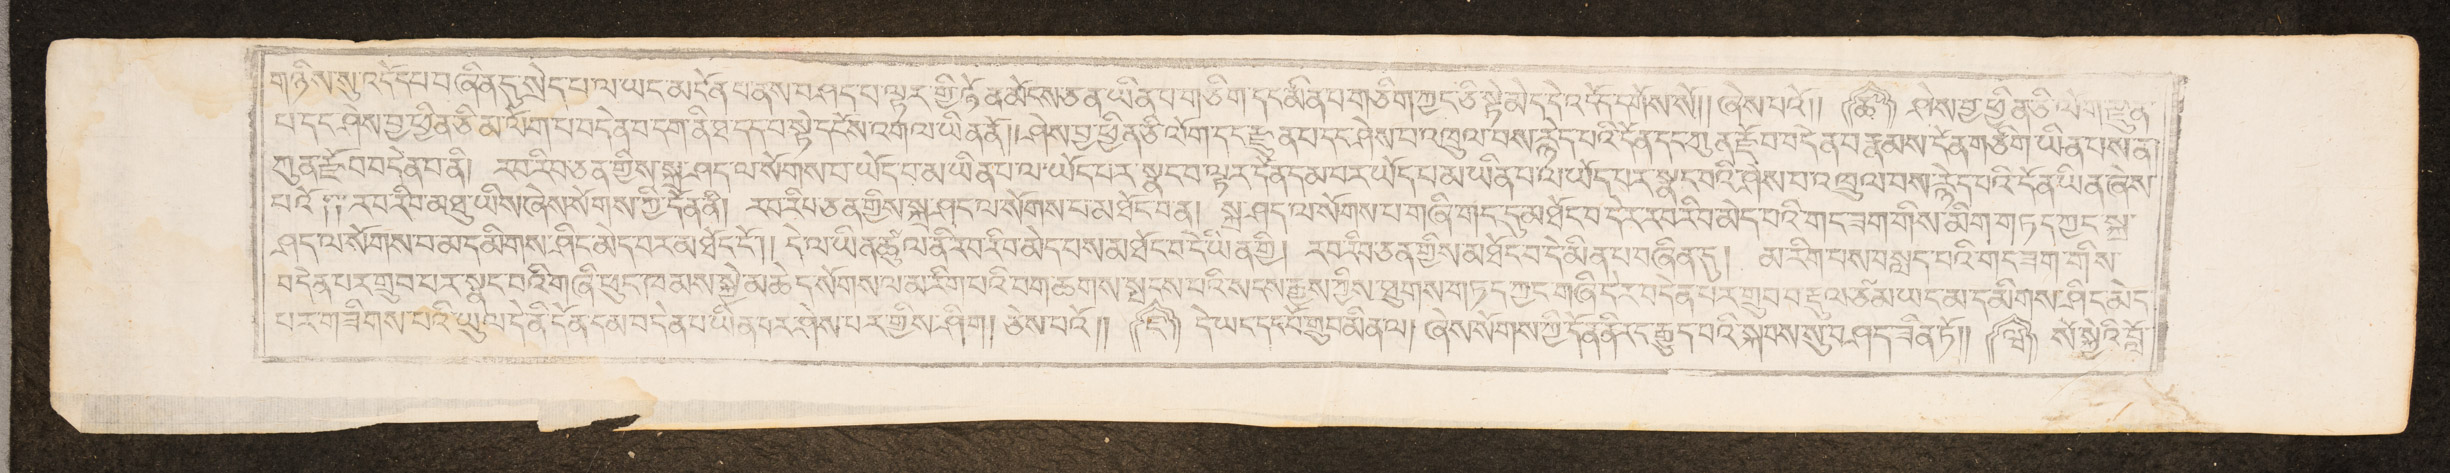གཉིས་སུ་འདོད་པ་བཞིན་དུ་སྲེད་པ་ལ་ཡང་མངོན་པ་ནས་བཤད་པ་ལྟར་གྱི་ཉོན་མོངས་ཅན་ཡིན་པ་གཅིག་དང་མིན་པ་གཅིག་ཀྱང་ཅི་སྟེ་མེད་དེ་འདོད་དགོས་སོ། །ཞེས་པའོ།། ༼༽ཆ༼༽ ཤེས་བྱ་ཕྱིན་ཅི་ལོག་རྫུན་
པ་དང་ཤེས་བྱ་ཕྱིན་ཅི་མ་ལོག་པ་བདེན་པ་དག་ནི་ཐ་དད་པ་སྟེ་དངོས་འགལ་ཡིན་ནོ།། ཤེས་བྱ་ཕྱིན་ཅི་ལོག་དང་རྫུན་པ་དང་ཤེས་པ་འཁྲུལ་བས་རྙེད་པའི་དོན་དང་ཀུན་རྫོབ་བདེན་པ་རྣམས་དོན་གཅིག་ཡིན་པས་ན།
ཀུན་རྫོབ་བདེན་པ་ནི། རབ་རིབ་ཅན་གྱིས་སྐྲ་ཤད་ལ་སོགས་པ་ཡོད་པ་མ་ཡིན་པ་ལ་ཡོད་པར་སྣང་བ་ལྟར་དོན་དམ་པར་ཡོད་པ་མ་ཡིན་པ་ལ་ཡོད་པར་སྣང་བའི་ཤེས་པ་འཁྲུལ་བས་རྙེད་པའི་དོན་ཡིན་ཞེས་
པའོ༑ ༑རབ་རིབ་མཐུ་ཡིས་ཞེས་སོགས་ཀྱི་དོན་ནི། རབ་རིབ་ཅན་གྱིས་སྐྲ་ཤད་ལ་སོགས་པ་མཐོང་བ་ན། སྐྲ་ཤད་ལ་སོགས་པ་གཞི་གང་དུ་མཐོང་བ་དེར་རབ་རིབ་མེད་པའི་གང་ཟག་གིས་མིག་གཏད་ཀྱང་སྐྲ་
ཤད་ལ་སོགས་པ་མ་དམིགས་ཤིང་མེད་པར་མཐོང་ངོ། །དེ་ལ་ཡིན་ཚུལ་ནི་རག་རིབ་མེད་པས་མཐོང་བ་དེ་ཡིན་གྱི། རབ་རིབ་ཅན་གྱིས་མཐོང་བ་དེ་མིན་པ་བཞིན་དུ། མ་རིག་པས་བསླད་པའི་གང་ཟག་གིས་
བདེན་པར་གྲུབ་པར་སྣང་བའི་གཞི་ཕུང་ཁམས་སྐྱེ་མཆེད་སོགས་ལ་མ་རིག་པའི་བག་ཆགས་སྤངས་པའི་སངས་རྒྱས་ཀྱིས་ཐུགས་གཏང་ཀྱང་གཞི་དེར་བདེན་པར་གྲུབ་བ་རྡུལ་ཙམ་ཡང་མ་དམིགས་ཤིང་མེད་
པར་གཟིགས་པའི་ཡུལ་དེ་ནི་དོན་དམ་བདེན་པ་ཡིན་པར་ཤེས་པར་གྱིས་ཤིག། ཅེས་པའོ།། ༼༽ཛ༼༽ དེ་ཡང་དང་པོ་གྲུབ་མིན་ལ། ཞེས་སོགས་ཀྱི་དོན་ནི་རང་རྒྱུད་པའི་སྐབས་སུ་བཤད་ཟིན་ཏོ།། ༼༽ཝ༼༽ སོ་སྐྱེའི་བློ་